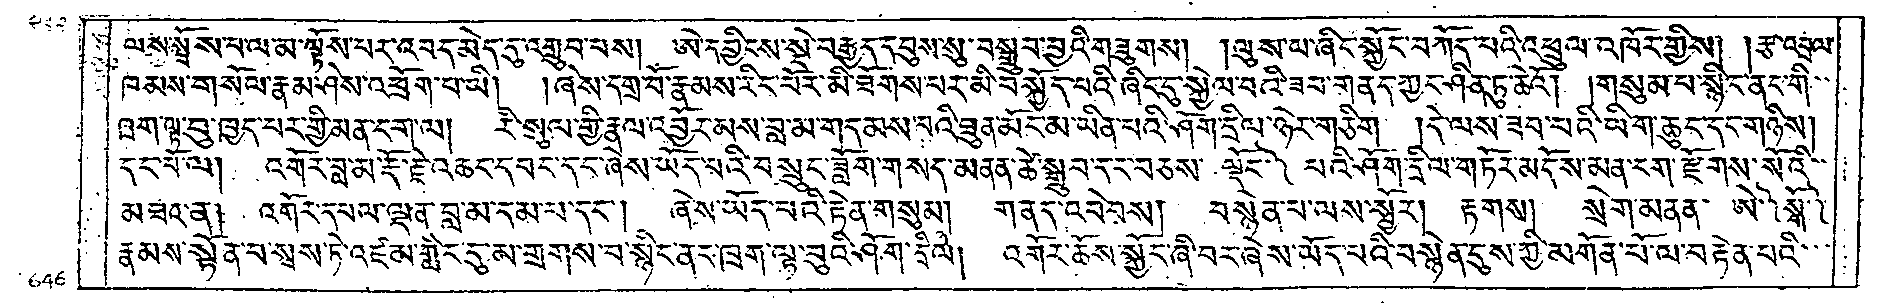ལས་སྤྲོས་པ་ལ་མ་ལྟོས་པར་འབད་མེད་དུ་འགྲུབ་པས། ཨེ་དབྱིངས་སྡེ་བརྒྱད་དབུས་སུ་བསྒྲུབ་བྱའི་གཟུགས། །ལུས་ལ་ཞིང་སྐྱོང་བཀོད་པའི་འཕྲུལ་འཁོར་གྱིས། །རྩ་འབྲལ་
ཁམས་གསོལ་རྣམ་ཤེས་འཕྲོག་པ་ཡི། །ཞེས་དགྲ་བོ་རྣམས་རིང་པོར་མི་ཐོགས་པར་མི་བསྐྱོད་པའི་ཞིང་དུ་སྐྱེལ་བའི་ཟབ་གནད་ཀྱང་ཤིན་ཏུ་ཆེའོ། །གསུམ་པ་སྙིང་ནང་གི་
ཁྲག་ལྟ་བུ་ཁྱད་པར་གྱི་མན་ངག་ལ། རི་སུལ་གྱི་རྣལ་འབྱོར་མས་བླ་མ་གདམས་པའི་ཐུན་མོང་མ་ཡིན་པའི་ཤོག་དྲིལ་ཉེར་གཅིག །དེ་ལས་ཟབ་པའི་ཡིག་ཆུང་དང་གཉིས།
དང་པོ་ལ། འགོར་བླ་མ་རྡོ་རྗེ་འཆང་དབང་དང་ཞེས་ཡོད་པའི་བསྲུང་ཟློག་གསད་མནན་ཚེ་སྒྲུབ་དང་བཅས་ལྡོང྄་པའི་ཤོག་དྲིལ་གཏོར་མདོས་མན་ངག་རྫོགས་སོའི་
མཐའ་ན། འགོར་དཔལ་ལྡན་བླ་མ་དམ་པ་དང་། ཞེས་ཡོད་པའི་རྟེན་གསུམ། གནད་འབེབས། བསྙེན་པ་ལས་སྦྱོར། རྟགས། སྲེག་མནན་ཨ྄ེ་སྒ྄ོ་རྣམས་སྟོན་པ་སྦས་ཏེ་འཛམ་གླིང་དུ་མ་གྲགས་པ་སྙིང་ནང་ཁྲག་ལྟ་བུའི་ཤོག་དྲི་ལ ༢། འགོར་ཆོས་སྐྱོང་ཞི་བར་ཞེས་ཡོད་པའི་བསྙེན་དུས་ཀྱི་མགོན་པོ་ལ་བརྟེན་པའི་